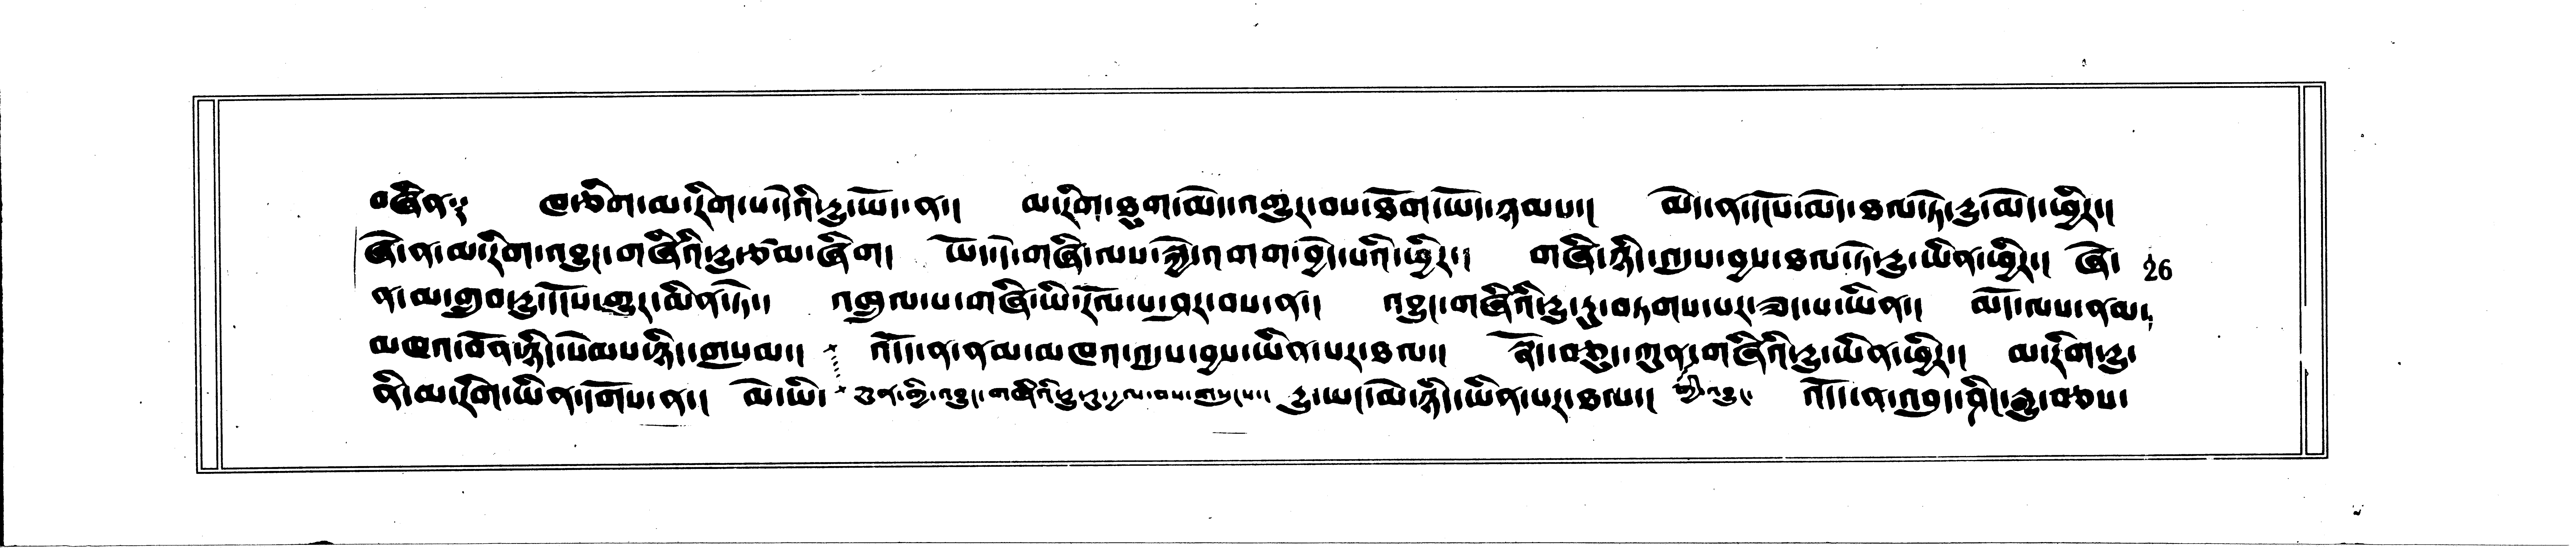བཞིན། །ཁ་ཅིག་མ་རིག་པ་དེའི་རྒྱུ་ཡོད་ན། །མ་རིག་ཐུག་མེད་འགྱུར་བས་ཐོག་ཡོད་ཉམས། །མེད་ན་དངོས་མེད་ཐལ་ཏེ་རྒྱུ་མེད་ཕྱིར། །
ཞེ་ན་མ་རིག་འབྱུང་གཞིའི་རྒྱུ་ཙམ་ཞིག །ཡོད་དོ་གཞི་ལས་སྐྱེ་འགག་བྱེད་པའི་ཕྱིར། །གཞི་ཉིད་འདུས་བྱས་ཐལ་ཏེ་རྒྱུ་ཡིན་ཕྱིར། །ཞེ་
ན་མ་གྲུབ་རྒྱུ་དངོས་གྱུར་མིན་ཏེ། །འཁྲུལ་པ་གཞི་ཡི་རོལ་པ་ཤར་བས་ན། །འབྱུང་གཞིའི་རྒྱུ་རུ་བཏགས་པར་ཟད་པ་ཡིན། །མདོ་ལས་ནམ་
མཁའ་བོན་ཉིད་སེམས་ཉིད་གསུམ། །ཀུན་གྱི་འབྱུང་གཞིའི་རྒྱུ་རུ་རྒྱལ་བས་གསུངས། །འདོད་ན་ནམ་མཁའ་འདུས་བྱས་ཡིན་པར་ཐལ། །སྣོད་བཅུད་ཀུན་གྱི་འབྱུང་གཞིའི་རྒྱུ་ཡིན་ཕྱིར། །མ་རིག་རྒྱུ་
ནི་མ་རིག་ཡིན་དགོས་ན། །མེ་ཡི་རྒྱུ་ཡང་མེ་ཉིད་ཡིན་པར་ཐལ། །འདོད་ན་འབུད་ཤིང་རྒྱུ་བཅས་